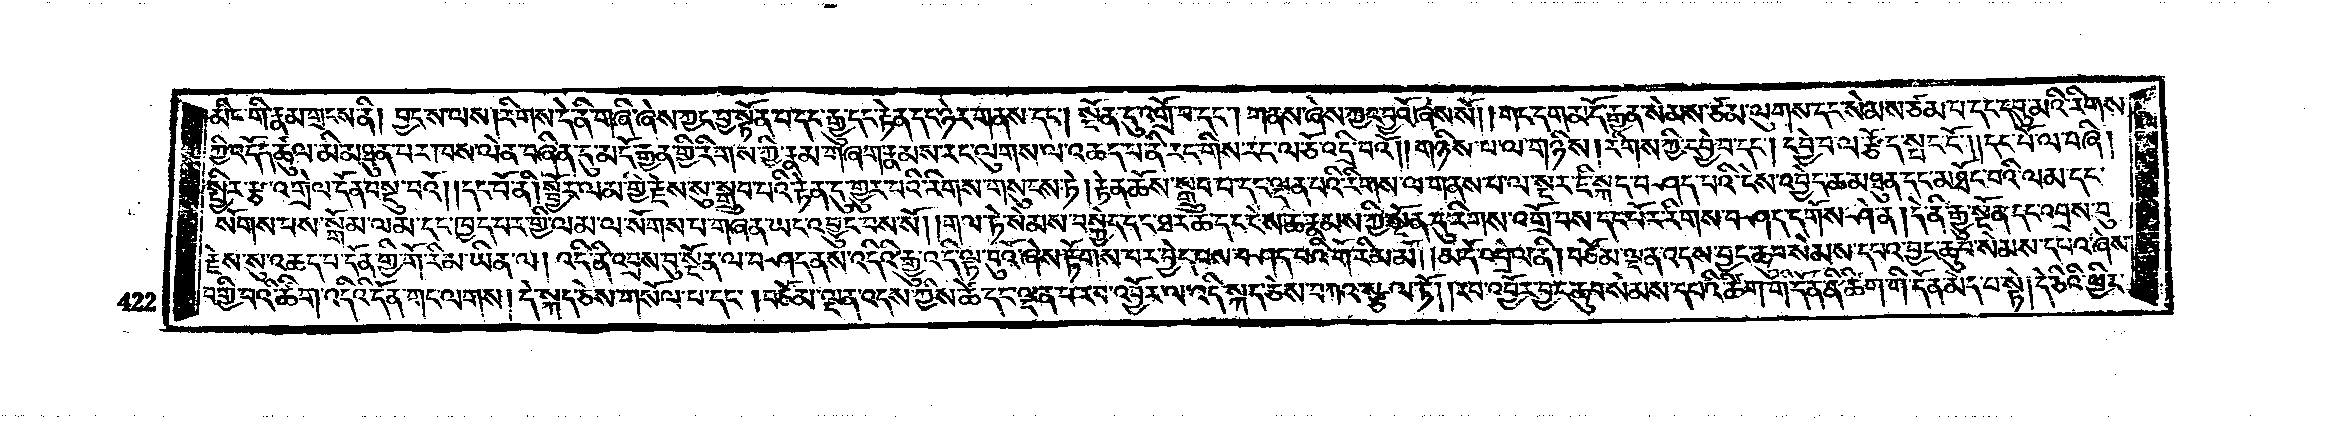མིང་གི་རྣམ་གྲངས་ནི། བྱང་ས་ལས། རིགས་དེ་ནི་གཞི་ཞེས་ཀྱང་བྱ་སྟོན་པ་དང་རྒྱུ་དང་རྟེན་དང་ཉེར་གནས་དང་། སྔོན་དུ་འགྲོ་བ་དང་། གནས་ཞེས་ཀྱང་བྱའོ་ཞེས་སོ། །གང་དག་མདོ་རྒྱན་སེམས་ཙམ་ལུགས་དང་སེམས་ཙམ་པ་དང་དབུ་མའི་རིགས་
ཀྱི་འདོད་ཚུལ་མི་མཐུན་པར་ཁས་ལེན་བཞིན་དུ་མདོ་རྒྱན་གྱི་རིགས་ཀྱི་རྣམ་གཞག་རྣམས་རང་ལུགས་ལ་འཆད་པ་ནི་རང་གིས་རང་ལ་ཅོ་འདྲི་བའོ། །གཉིས་པ་ལ་གཉིས། རིགས་ཀྱི་དབྱེ་བ་དང་། དབྱེ་བ་ལ་རྩོད་སྤང་ངོ། །དང་པོ་ལ་བཞི།
སྤྱིར་རྩ་འགྲེལ་དོན་བསྡུ་བའོ། །དང་པོ་ནི། སྦྱོར་ལམ་གྱི་རྗེས་སུ་སྒྲུབ་པའི་རྟེན་དུ་གྱུར་པའི་རིགས་གསུངས་ཏེ། རྟེན་ཆོས་སྒྲུབ་པ་དང་ལྡན་པའི་རིགས་ལ་གནས་པ་ལ་སྔར་ཇི་སྐད་བཤད་པའི་ངེས་འབྱེད་ཆ་མཐུན་དང་མཐོང་བའི་ལམ་དང་
སོགས་པས་སྒོམ་ལམ་དང་ཁྱད་པར་གྱི་ལམ་ལ་སོགས་པ་གཞན་ཡང་འབྱུང་བས་སོ། །གལ་ཏེ་སེམས་བསྐྱེད་དང་ཐར་ཆ་དང་ངེས་ཆ་རྣམས་ཀྱི་སྔོན་དུ་རིགས་འགྲོ་བས་དང་པོར་རིགས་བཤད་དགོས་ཤེ་ན། དེ་ནི་རྒྱུ་སྔོན་དང་འབྲས་བུ་
རྗེས་སུ་འཆད་པ་དོན་གྱི་གོ་རིམ་ཡིན་ལ། འདི་ནི་འབྲས་བུ་སྔོན་ལ་བཤད་ནས་འདིའི་རྒྱུ་འདི་ལྟ་བུའོ་ཞེས་རྟོགས་པར་བྱེད་པས་བཤད་པའི་གོ་རིམ་མོ། །མདོ་འབྲེལ་ནི། བཅོམ་ལྡན་འདས་བྱང་ཆུབ་སེམས་དཔའ་བྱང་ཆུབ་སེམས་དཔའ་ཞེས་
བགྱི་བའི་ཚིག་འདིའི་དོན་གང་ལགས། དེ་སྐད་ཅེས་གསོལ་པ་དང་། བཅོམ་ལྡན་འདས་ཀྱིས་ཚེ་དང་ལྡན་པ་རབ་འབྱོར་ལ་འདི་སྐད་ཅེས་བཀའ་སྩལ་ཏོ། །རབ་འབྱོར་བྱང་ཆུབ་སེམས་དཔའི་ཚིག་གི་དོན་ནི་ཚིག་གི་དོན་མེད་པ་སྟེ། དེ་ཅིའི་ཕྱིར་